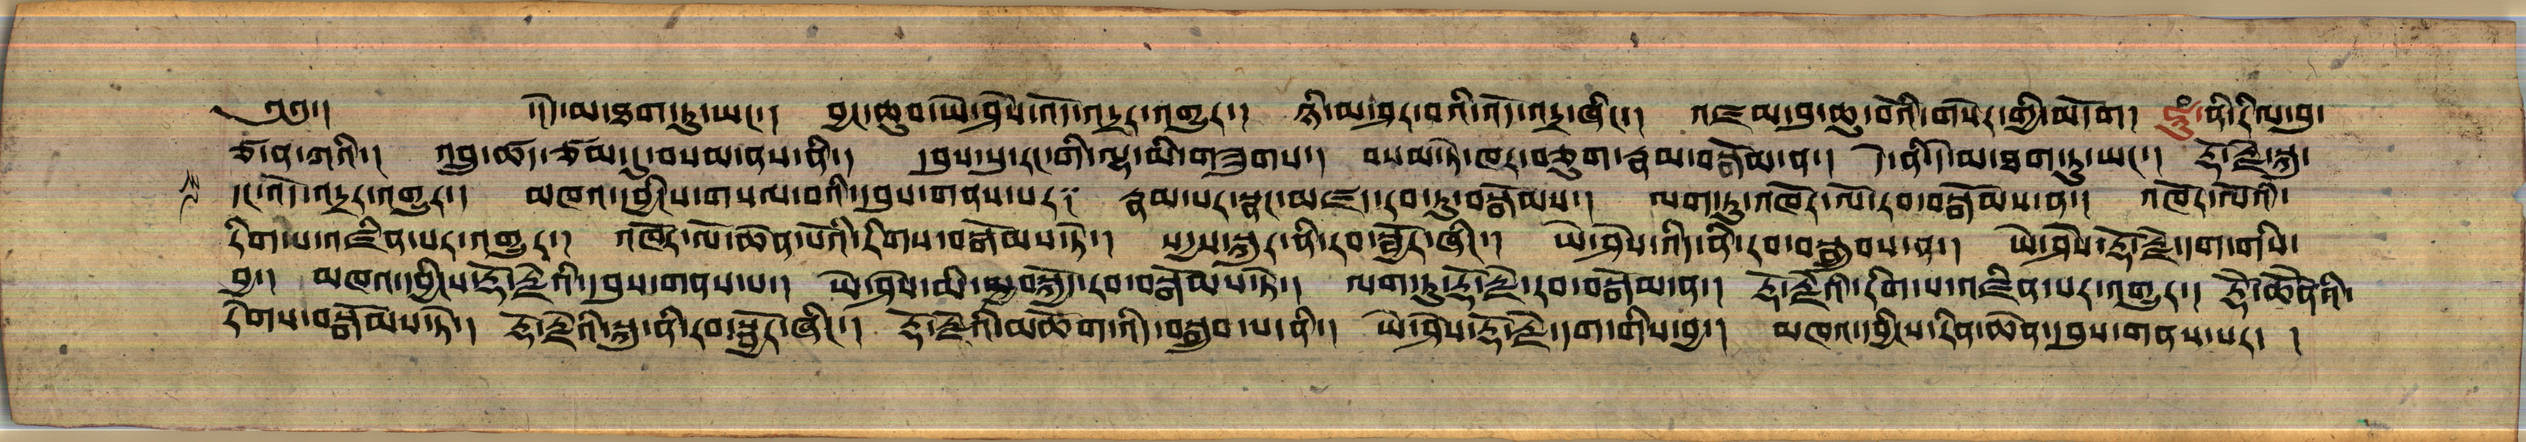༄༅་། ་།དེ་མ་ཐག་ཏུ་ཡང་། བྱང་ཆུབ་ཡེ་ཤེས་འོད་འདྲར་འགྱུར་། ཉི་མ་ཤར་བའི་འདོ་འདྲ་ཞིང་། འཛམ་བུ་ཆུ་བོའི་གསེར་གྱི་མདོག། ཧཱུཾ་ནི་རིལ་བུ་
ཙ་ན་ཀའི་། འབྲུ་ཚད་ཙམ་དུ་བསམ་ནས་ནི་། དབུས་སུ་རང་གི་ལྷ་མི་གཟུགས་། བསམ་ཏེ་ཁར་བཅུག་རྣམ་བསྒོམ་ན་། དེ་ནི་དེ་མ་ཐག་ཏུ་ཡང་། རྡོ་རྗེ་སྐུ་
དང་འོད་འདྲར་འགྱུར་། མཁའ་དབྱིངས་གསལ་བའི་དབུས་གནས་པར༑ རྣམ་པར་སྣང་མཛད་རབ་ཏུ་བསྒོམས་། ལག་ཏུ་འཁོར་ལོ་རབ་བསྒོམས་ན་། འཁོར་ལོའི་
རིག་པ་འཛིན་པར་འགྱུར་། འཁོར་ལོ་ཆེན་པོའི་རིགས་བསྒོམས་ཏེ་། སདྱས་སྐུར་ནི་རབ་སྦྱོར་ཞིང་། ཡེ་ཤེས་འདི་ནི་རབ་བསྒྲུབས་ན་། ཡེ་ཤེས་རྡོ་རྗེ་དག་གིས་
བྱ་། མཁའ་དབྱིངས་རྡོ་རྗེའི་དབུས་གནས་པ་། ཡེ་ཤེས་མི་བསྐྱོད་རབ་བསྒོམས་ཏེ་། ལག་ཏུ་རྡོ་རྗེ་རབ་བསྒོམ་ན་། རྡོ་རྗེའི་རིག་པ་འཛིན་པར་འགྱུར་། རྡོེ་ཆེནོའི་
རེགས་བསྒོམས་ཏེ་། རྡོ་རྗེའི་སྐུ་ནི་རབ་སྦྱོར་ཞིང་། རྡོ་རྗེའི་མཆོག་འདི་བསྒྲུབ་པ་ནི་། ཡེ་ཤེས་རྡོ་རྗེ་དག་གིས་བྱྲ་། མཁའ་དབྱིངས་རིན་ཆེན་དབུས་གནས་པར་